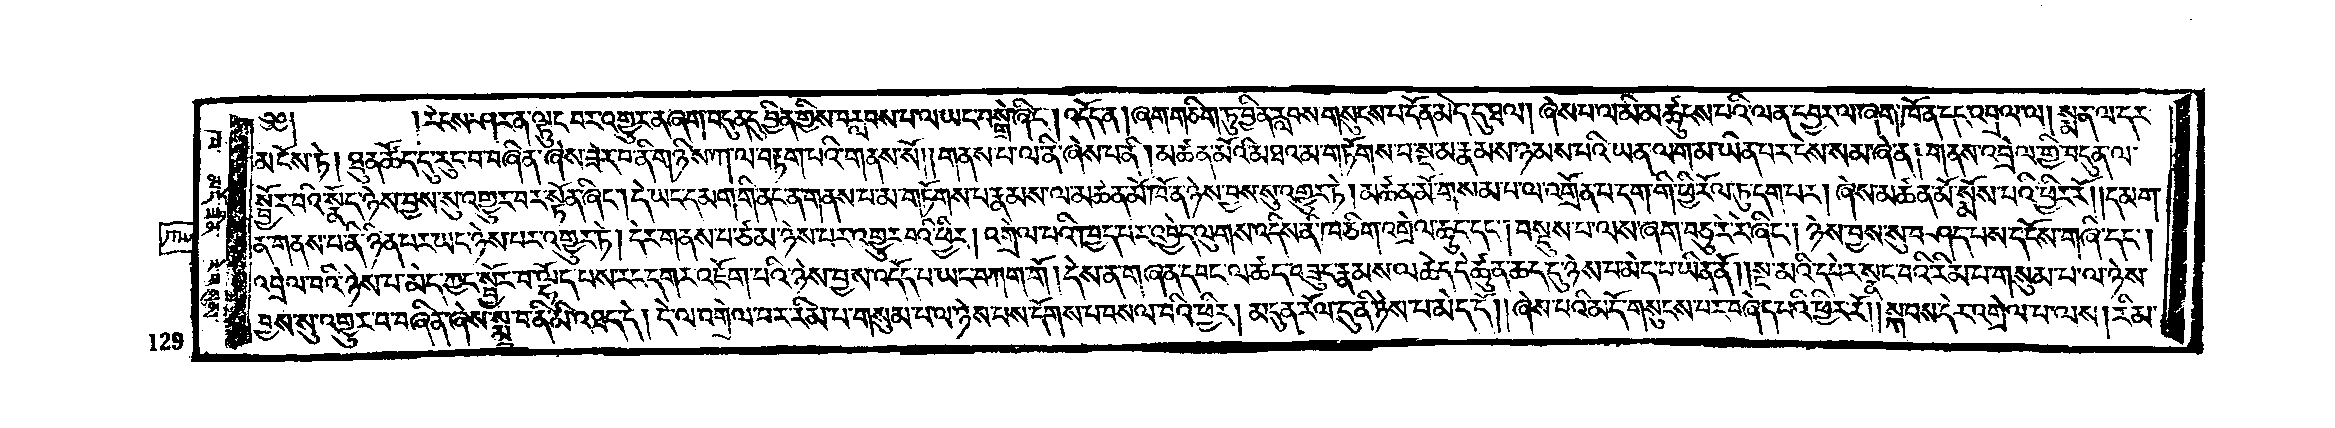༄༅། །རེངས་ཤར་ན་ལྟུང་བར་འགྱུར་ན་ཞག་བདུན་དུ་བྱིན་གྱིས་བརླབས་པ་ལ་ཡང་བསྒྲེ་ཞིང་། འདོད་ན། ཞག་གཅིག་ཏུ་བྱིན་རླབས་གསུངས་པ་དོན་མད་དུ་ཐལ། ཞེས་པ་ལ་མི་མཚུངས་པའི་ལན་དབྱར་ལ་ཞག་ཁོ་ན་དང་འབྲལ་ལ། སྨན་ལ་དེར་
མངེས་ཏེ། ཐུན་ཚོད་དུ་རུང་ཨ་བཞིན་ཞེས་ཟེར་བ་ནི་གཉིས་ཀ་ལ་བརྟག་པའི་གནས་སོ། །གནས་པ་ལ་ནི་ཤེས་པ་ནི། མཚན་མོའི་མཐའ་མ་གཏོགས་པ་སྔ་མ་རྣམས་ཉམས་པའི་ཡན་ལག་མ་ཡིན་པར་ངེས་སམ་ཞེ་ན། གནས་འབྲེལ་གྱི་བདུན་ལ་
སྦྱོར་བའི་སྣོད་ཉེས་བྱས་སུ་འགྱུར་བར་སྟོན་ཞིང་། དེ་ཡང་དམག་གི་ནང་ན་གནས་པ་མ་གཏོས་པ་རྣམས་ལ་མཚན་མོ་ཁོ་ན་ཉེས་བྱས་སུ་འགྱུར་ཏེ། མཚན་མོ་གསུམ་པ་ལ་འགྲོན་པ་དག་གི་ཕྱི་རོལ་ཏུ་དག་པར། ཞེས་མཚན་མོ་སྨོས་པའི་ཕྱིར་རོ། །དམག་
ན་གནས་པ་ནི་ཉིན་པར་ཡང་ཉེས་པར་འགྱུར་ཏེ། དེར་གནས་པ་ཙམ་ཉེས་པར་འགྱུར་བའི་ཕྱིར། འགྲེལ་བའི་ཁྱད་པར་འབྱེད་ལུགས་འདིས་ནི་ཁ་ཅིག་འགྲེལ་ཆུང་དང་། བསྡུས་པ་ལས་ཞག་བཅུ་རེ་རེ་ཞིང་། ཉེས་བྱས་སུ་བཤད་པས་དངོས་གཞི་དང་།
འབྲེལ་བའི་ཉེས་པ་མེད་ཀྱང་སྦྱོར་བ་ལྷོད་པས་རང་དགར་འཇོག་པའི་ཉེས་བྱས་འདོད་པ་ཡང་བཀག་གོ །དེས་ན་གཞན་དབང་ལ་ཚད་བཟུང་རྣམས་ལ་ཆེད་དེ་ཚུ་ན་ཆད་དུ་ཉེས་པ་མེ་དཔ་ཡིན་ནོ། །སྔ་མའི་དཔེར་སྣང་བའི་རིམ་པ་གསུམ་པ་ལ་ཉེས་
བྱས་སུ་འགྱུར་བ་བཞིན་ཞེས་སྨྲ་བ་ནི་མི་འཐད་དེ། དེ་ལ་འགྲེལ་པར་རིམ་པ་གསུམ་པ་ལ་ཉེས་པས་དོགས་པ་བསལ་བའི་ཕྱིར། མདུན་རོལ་དུ་ནི་ཉེས་པ་མེད་དོ། །ཞེས་པའི་མདོ་གསུངས་པར་བཞེད་པའི་ཕྱིར་རོ། །སྐབས་དེར་འགྲེལ་པ་ལས། རིམ་